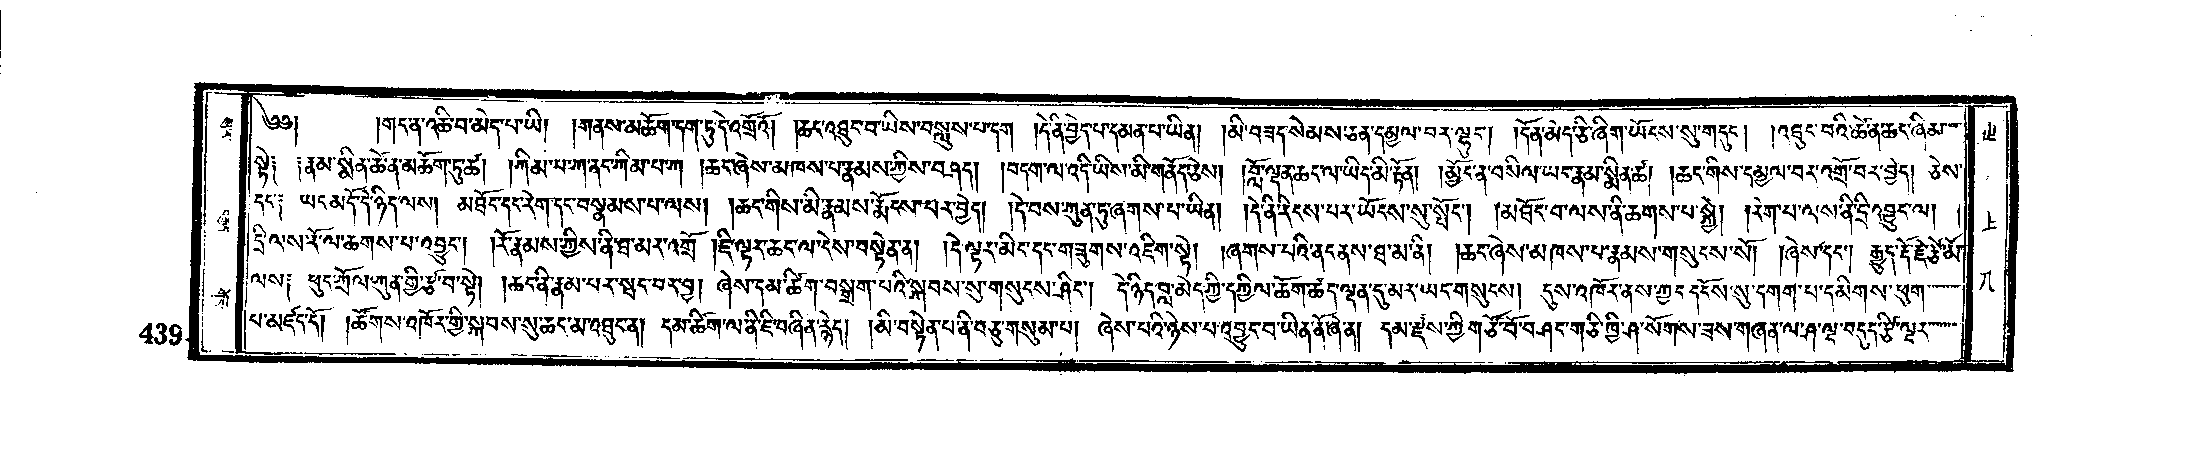༄༅། །གང་ན་འཆི་བ་མེད་པ་ཡི། །གནས་མཆོག་དག་ཏུ་དེ་འགྲོའོ། །ཆང་འཐུང་བ་ཡིས་བསླུས་པ་དག །དེ་ནི་བྱེད་པ་དམན་པ་ཡིན། །མི་བཟད་སེམས་ཅན་དམྱལ་བར་ལྷུང་། །དོན་མེད་ཅི་ཞིག་ཡོངས་སུ་གདུང་། །འཐུང་བའི་ཚེ་ན་ཆང་ཞིམ་
སྟེ༑ ༑རྣམ་སྨིན་ཚེ་ན་མཆོག་ཏུ་ཚ། །ཀིམ་པ་ཀ་ནང་ཀིམ་པ་ཀ །ཆང་ཞེས་མཁས་པ་རྣམས་ཀྱིས་བཤད། །བདག་ལ་འདི་ཡིས་མི་གནོད་ཅེས། །བློ་ལྡན་ཆང་ལ་ཡིད་མི་རྟོན། །མྱོང་ན་བསིལ་ཡང་རྣམ་སྨིན་ཚ། །ཆང་གིས་དམྱལ་བར་འགྲོ་བར་བྱེད། ཅེས་
དང༑ ཡང་མདོ་དེ་ཉིད་ལས། མཐོང་དང་རེག་དང་བསྣམས་པ་ལས། །ཆང་གིས་མི་རྣམས་རྨོངས་པར་བྱེད། །དེ་བས་ཀུན་ཏུ་ཞགས་པ་ཡིན། །དེ་ནི་རིངས་པར་ཡོངས་སུ་སྤོང་། །མཐོང་བ་ལས་ནི་ཆགས་པ་སྐྱེ། །རེག་པ་ལས་ནི་དྲི་འབྱུང་ལ། །
དྲི་ལས་རོ་ལ་ཆགས་པ་འབྱུང་། །རོ་རྣམས་ཀྱིས་ནི་ཐ་མར་འགྲོ་།ཇི་ལྟར་ཆང་ལ་ངེས་བསྟེན་ན། །དེ་ལྟར་མིང་དང་གཟུགས་འཇིག་སྟེ། །ཞགས་པའི་ནང་ནས་ཐ་མ་ནི། །ཆང་ཞེས་མཁས་པ་རྣམས་གསུངས་སོ། །ཞེས་དང་། རྒྱུད་རྡོ་རྗེ་རྩེ་མོ་
ལས༑ ཕུང་ཀྲོལ་ཀུན་གྱི་རྩ་བ་སྟེ། །ཆང་ནི་རྣམ་པར་སྤང་བར་བྱ། ཞེས་དམ་ཚིག་བསྒྲག་པའི་སྐབས་སུ་གསུངས་ཤིང་། དེ་ཉིད་བླ་མེད་ཀྱི་དཀྱིལ་ཆོག་ཚད་ལྡན་དུ་མར་ཡང་གསུངས། དུས་འཁོར་ནས་ཀྱང་དངོས་སུ་དགག་པ་དམིགས་ཕུག་
པ་མཛད་དོ། །ཚོགས་འཁོར་གྱི་སྐབས་སུ་ཆང་མ་འཐུང་ན། དམ་ཚིག་ལ་ནི་ཇི་བཞིན་རྙེད། །མི་བསྟེན་པ་ནི་བཅུ་གསུམ་པ། ཞེས་པའི་ཉེས་པ་འབྱུང་བ་ཡིན་ནོ་ཞེ་ན། དམ་རྫས་ཀྱི་གཙོ་བོ་བཤང་གཅི་ཁྱི་ཤ་སོགས་ཟས་གཞན་ལ་ཤ་ལྔ་བདུད་རྩི་ལྔར་